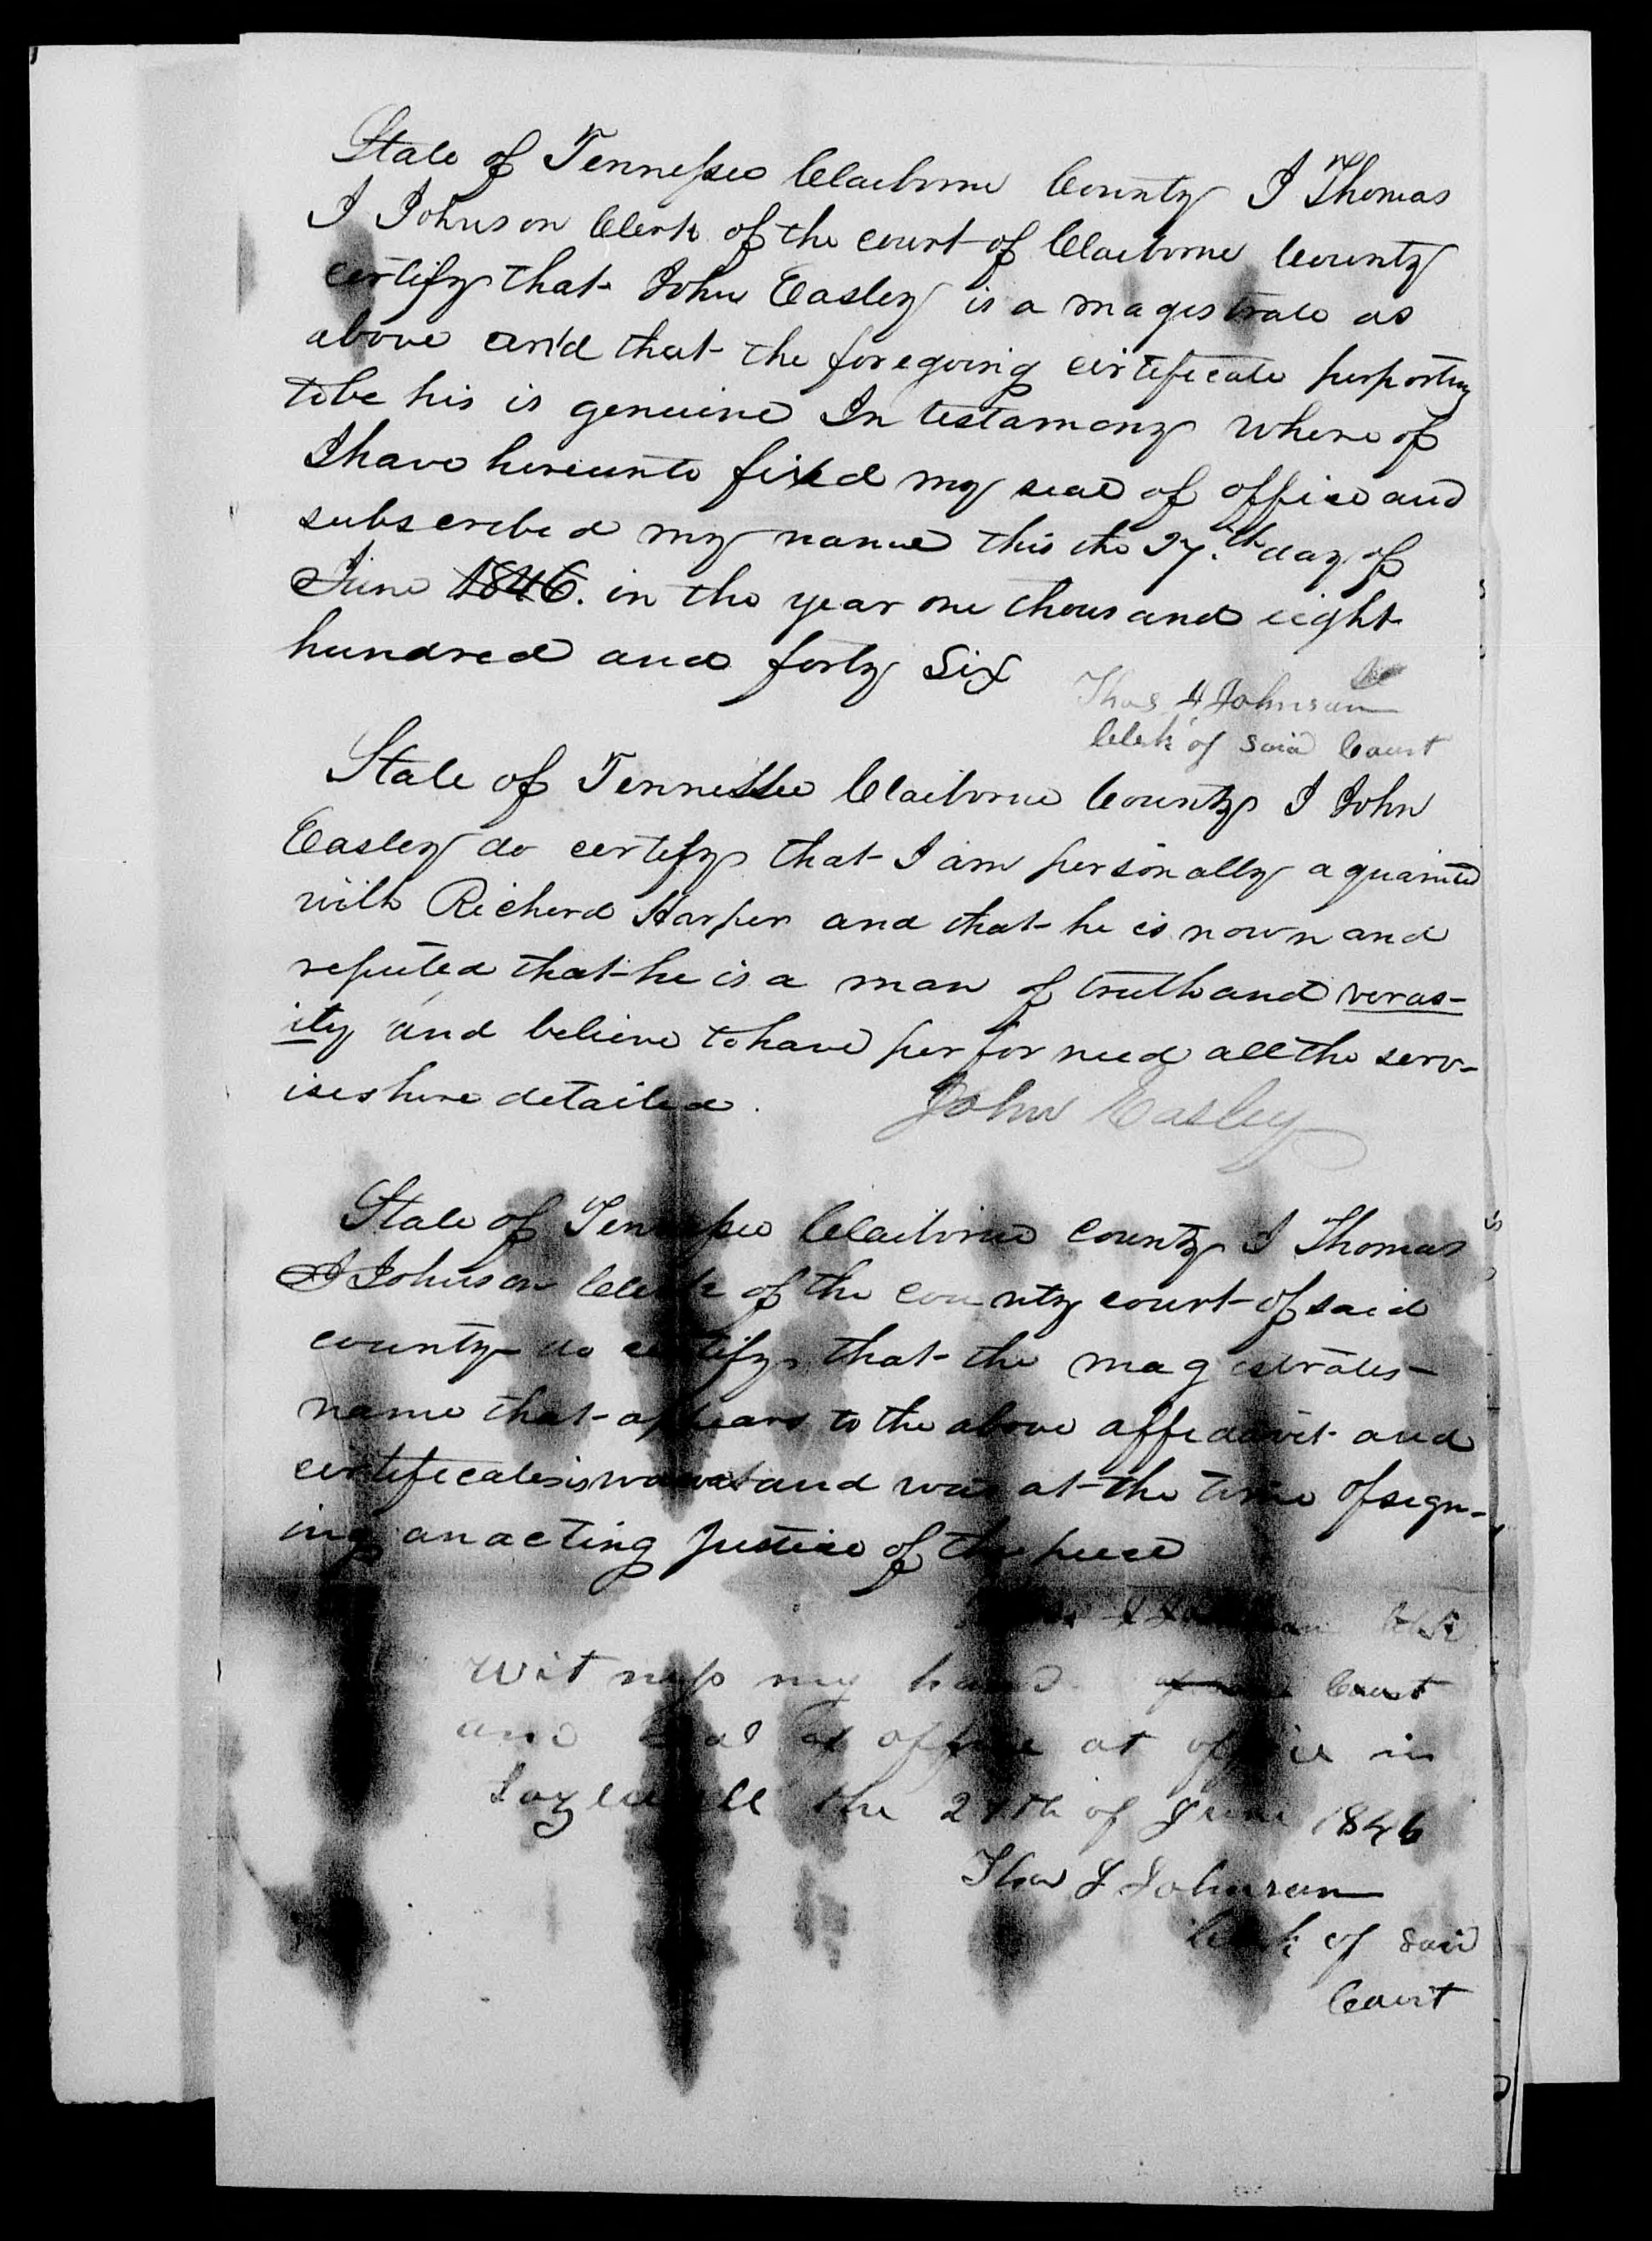State of Tennessee Claiborne County I Thomas
J Johnson Clerk of the Court of Claiborne County
certify that John Easley is a magistrate as
above and that the foregoing certificate purporting
to be his is genuine In testamony whereof
I have hereunto fixed my seal of office and
subscribed my name this the 27th day of
June 1846 in the year one thousand eight
hundred and forty six

Thos J Johnson
Clerk of said Court

State of Tennessee Claiborne County I John
Easley do certify that I am personally aquainted [acquainted]
with Richard Harper and that he is nown [known] and
reputed that he is a man of truth and veras-
ity [verasity] and believe to have performed all the serv-
ises [services] here detailed.  John Easley


State of Tennessee Claiborne County I Thomas
J Johnson Clerk of the county court of said
county do certify that the magistrates
name that appears to the above affidavit and
certificates is true and valid at the time of sign-
ing [signing] an acting Justice of the Peace
Thomas J Johnson Clerk

with my hand 
and seal of office at office in
[illegible] the 27th of June 1846
Thos J Johnson
Clerk of said
Court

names: Thos J Johnson, Thos J Johnson, Thomas J Johnson, Thomas J Johnson, Richard Harper, Thos J Johnson, John Easley, John Easley, John Easley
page: 55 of 81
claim: survivor's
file: S. 1908, Richard Harper, N.C.